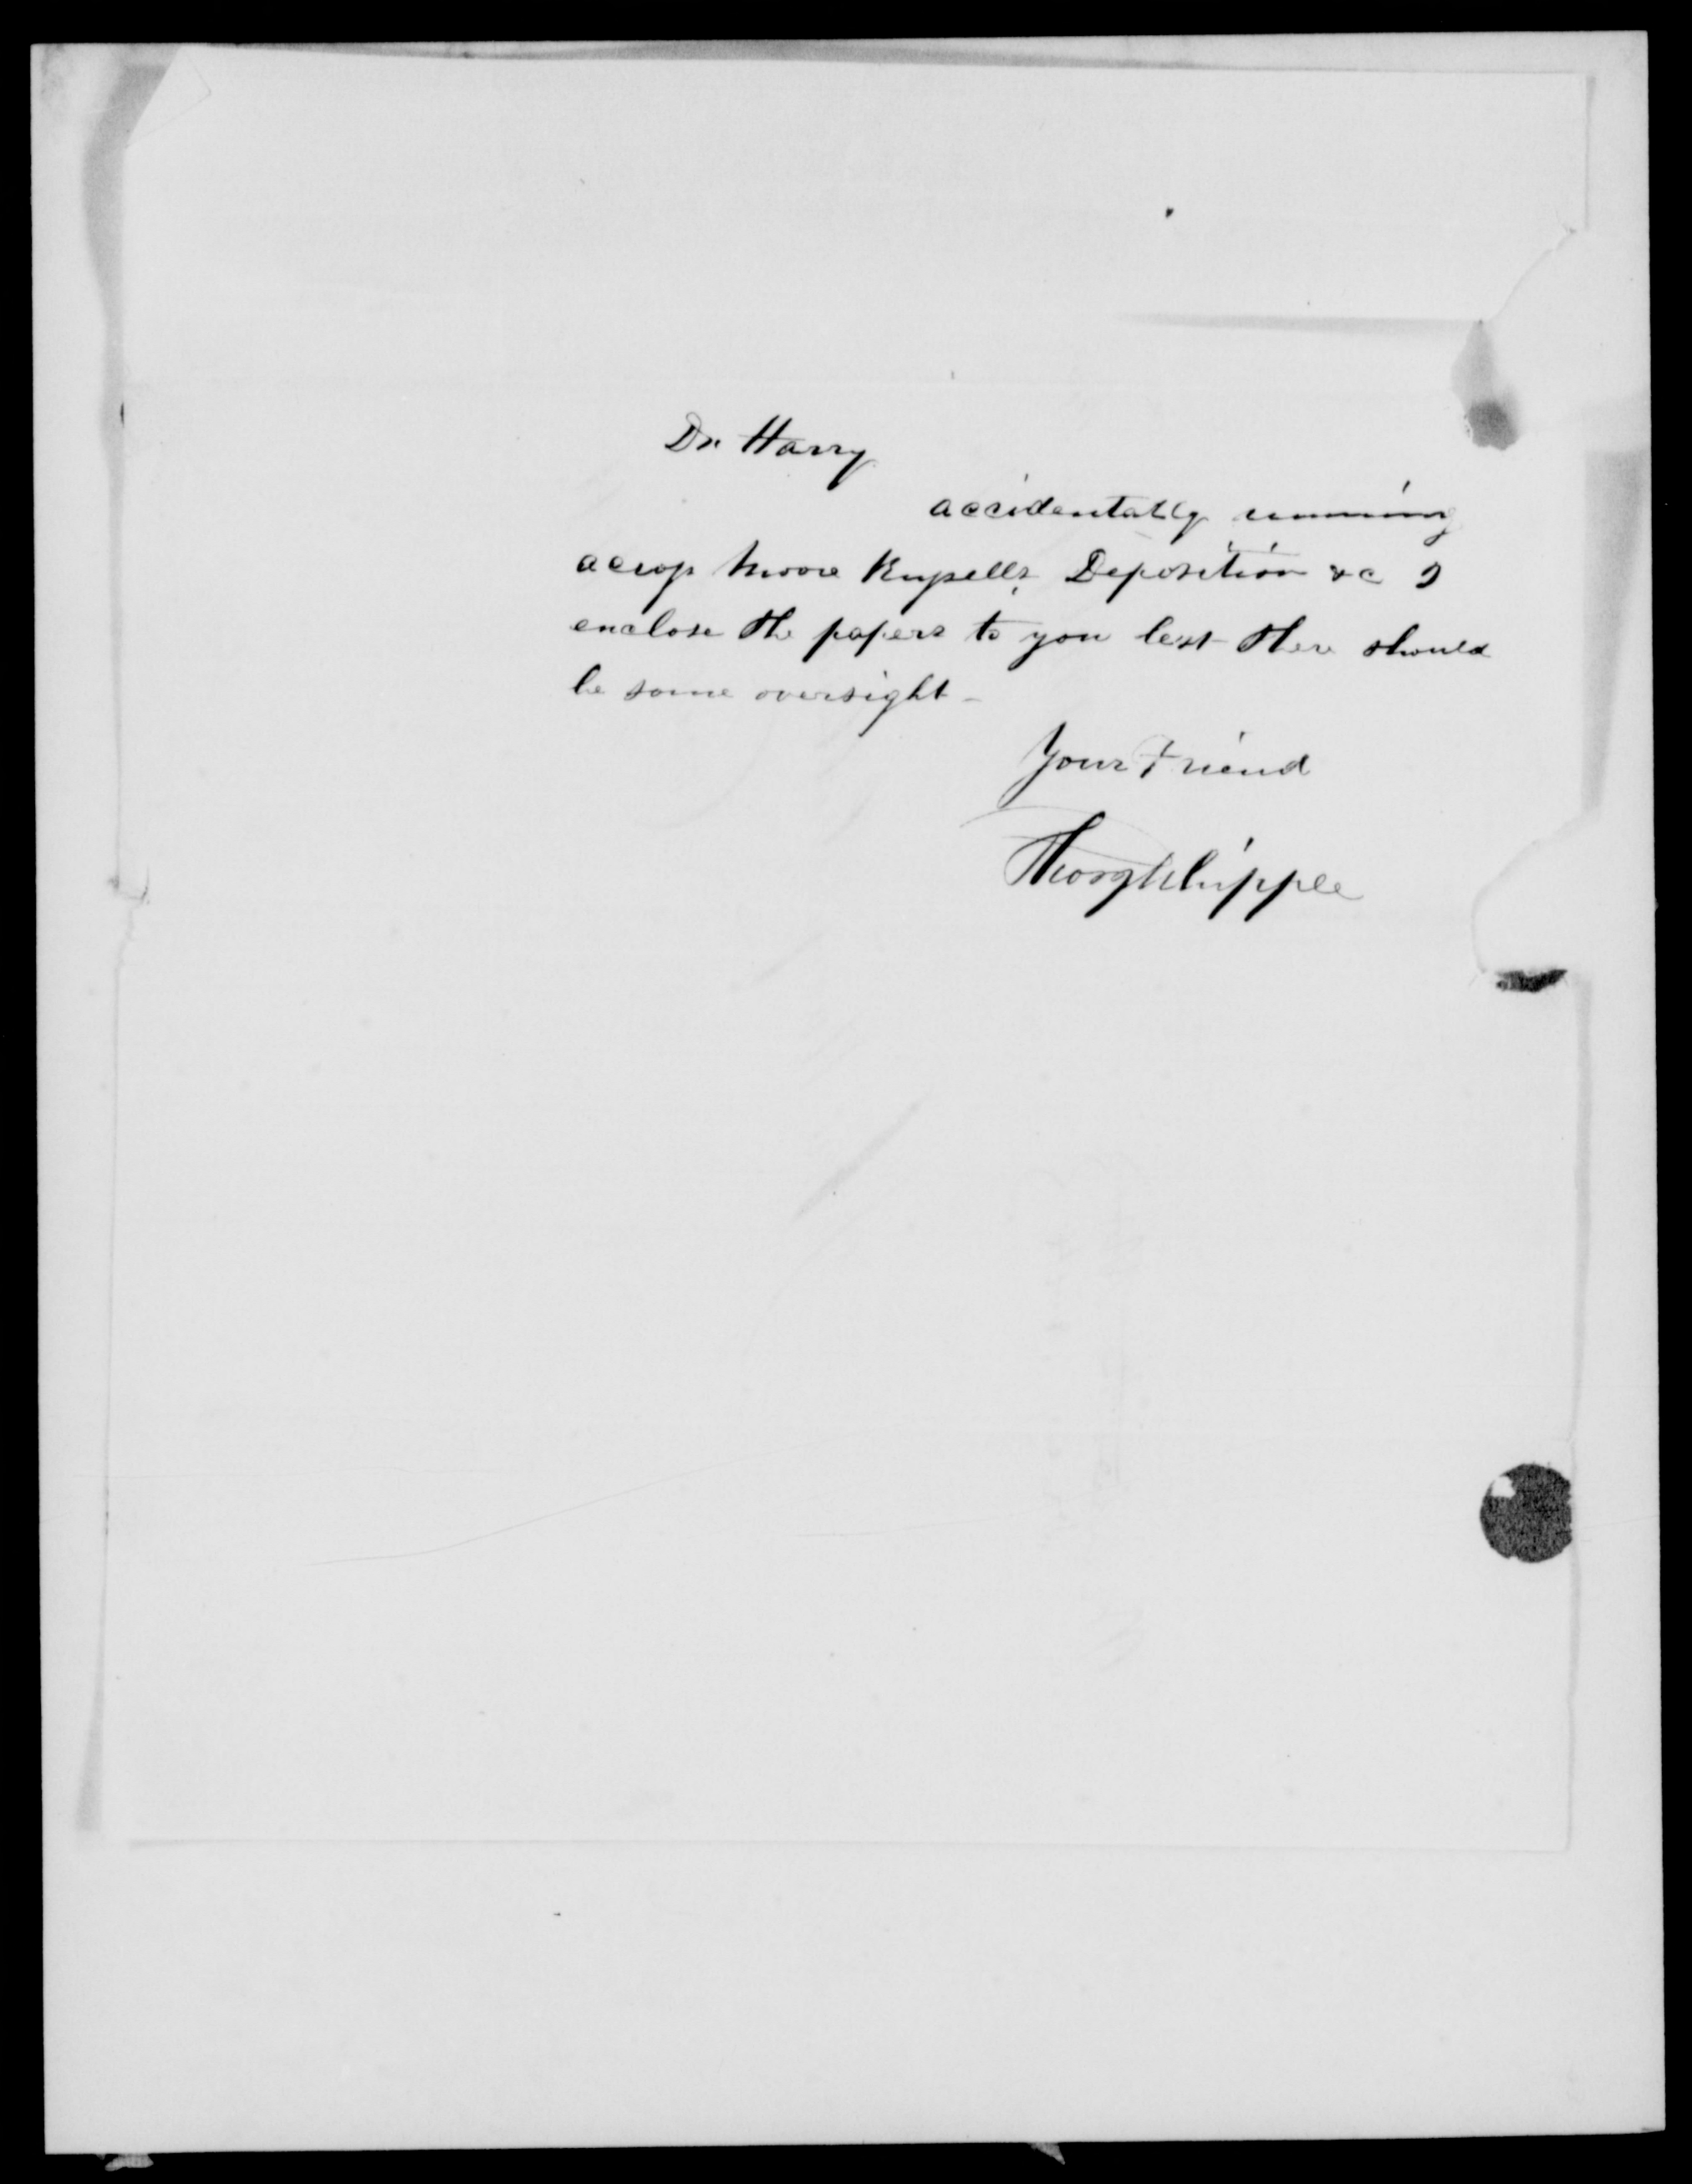Dr Harry
accidentally [unintelligible]
across Moore Russells Deposition &c
I enclose the papers to you lest there should
be some oversight
your Friend
Thos Whipple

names: Thos J Whipple, Harry, Moore Russell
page: 55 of 78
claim: widow's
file: W. 25856, Samuel Way, N.H.